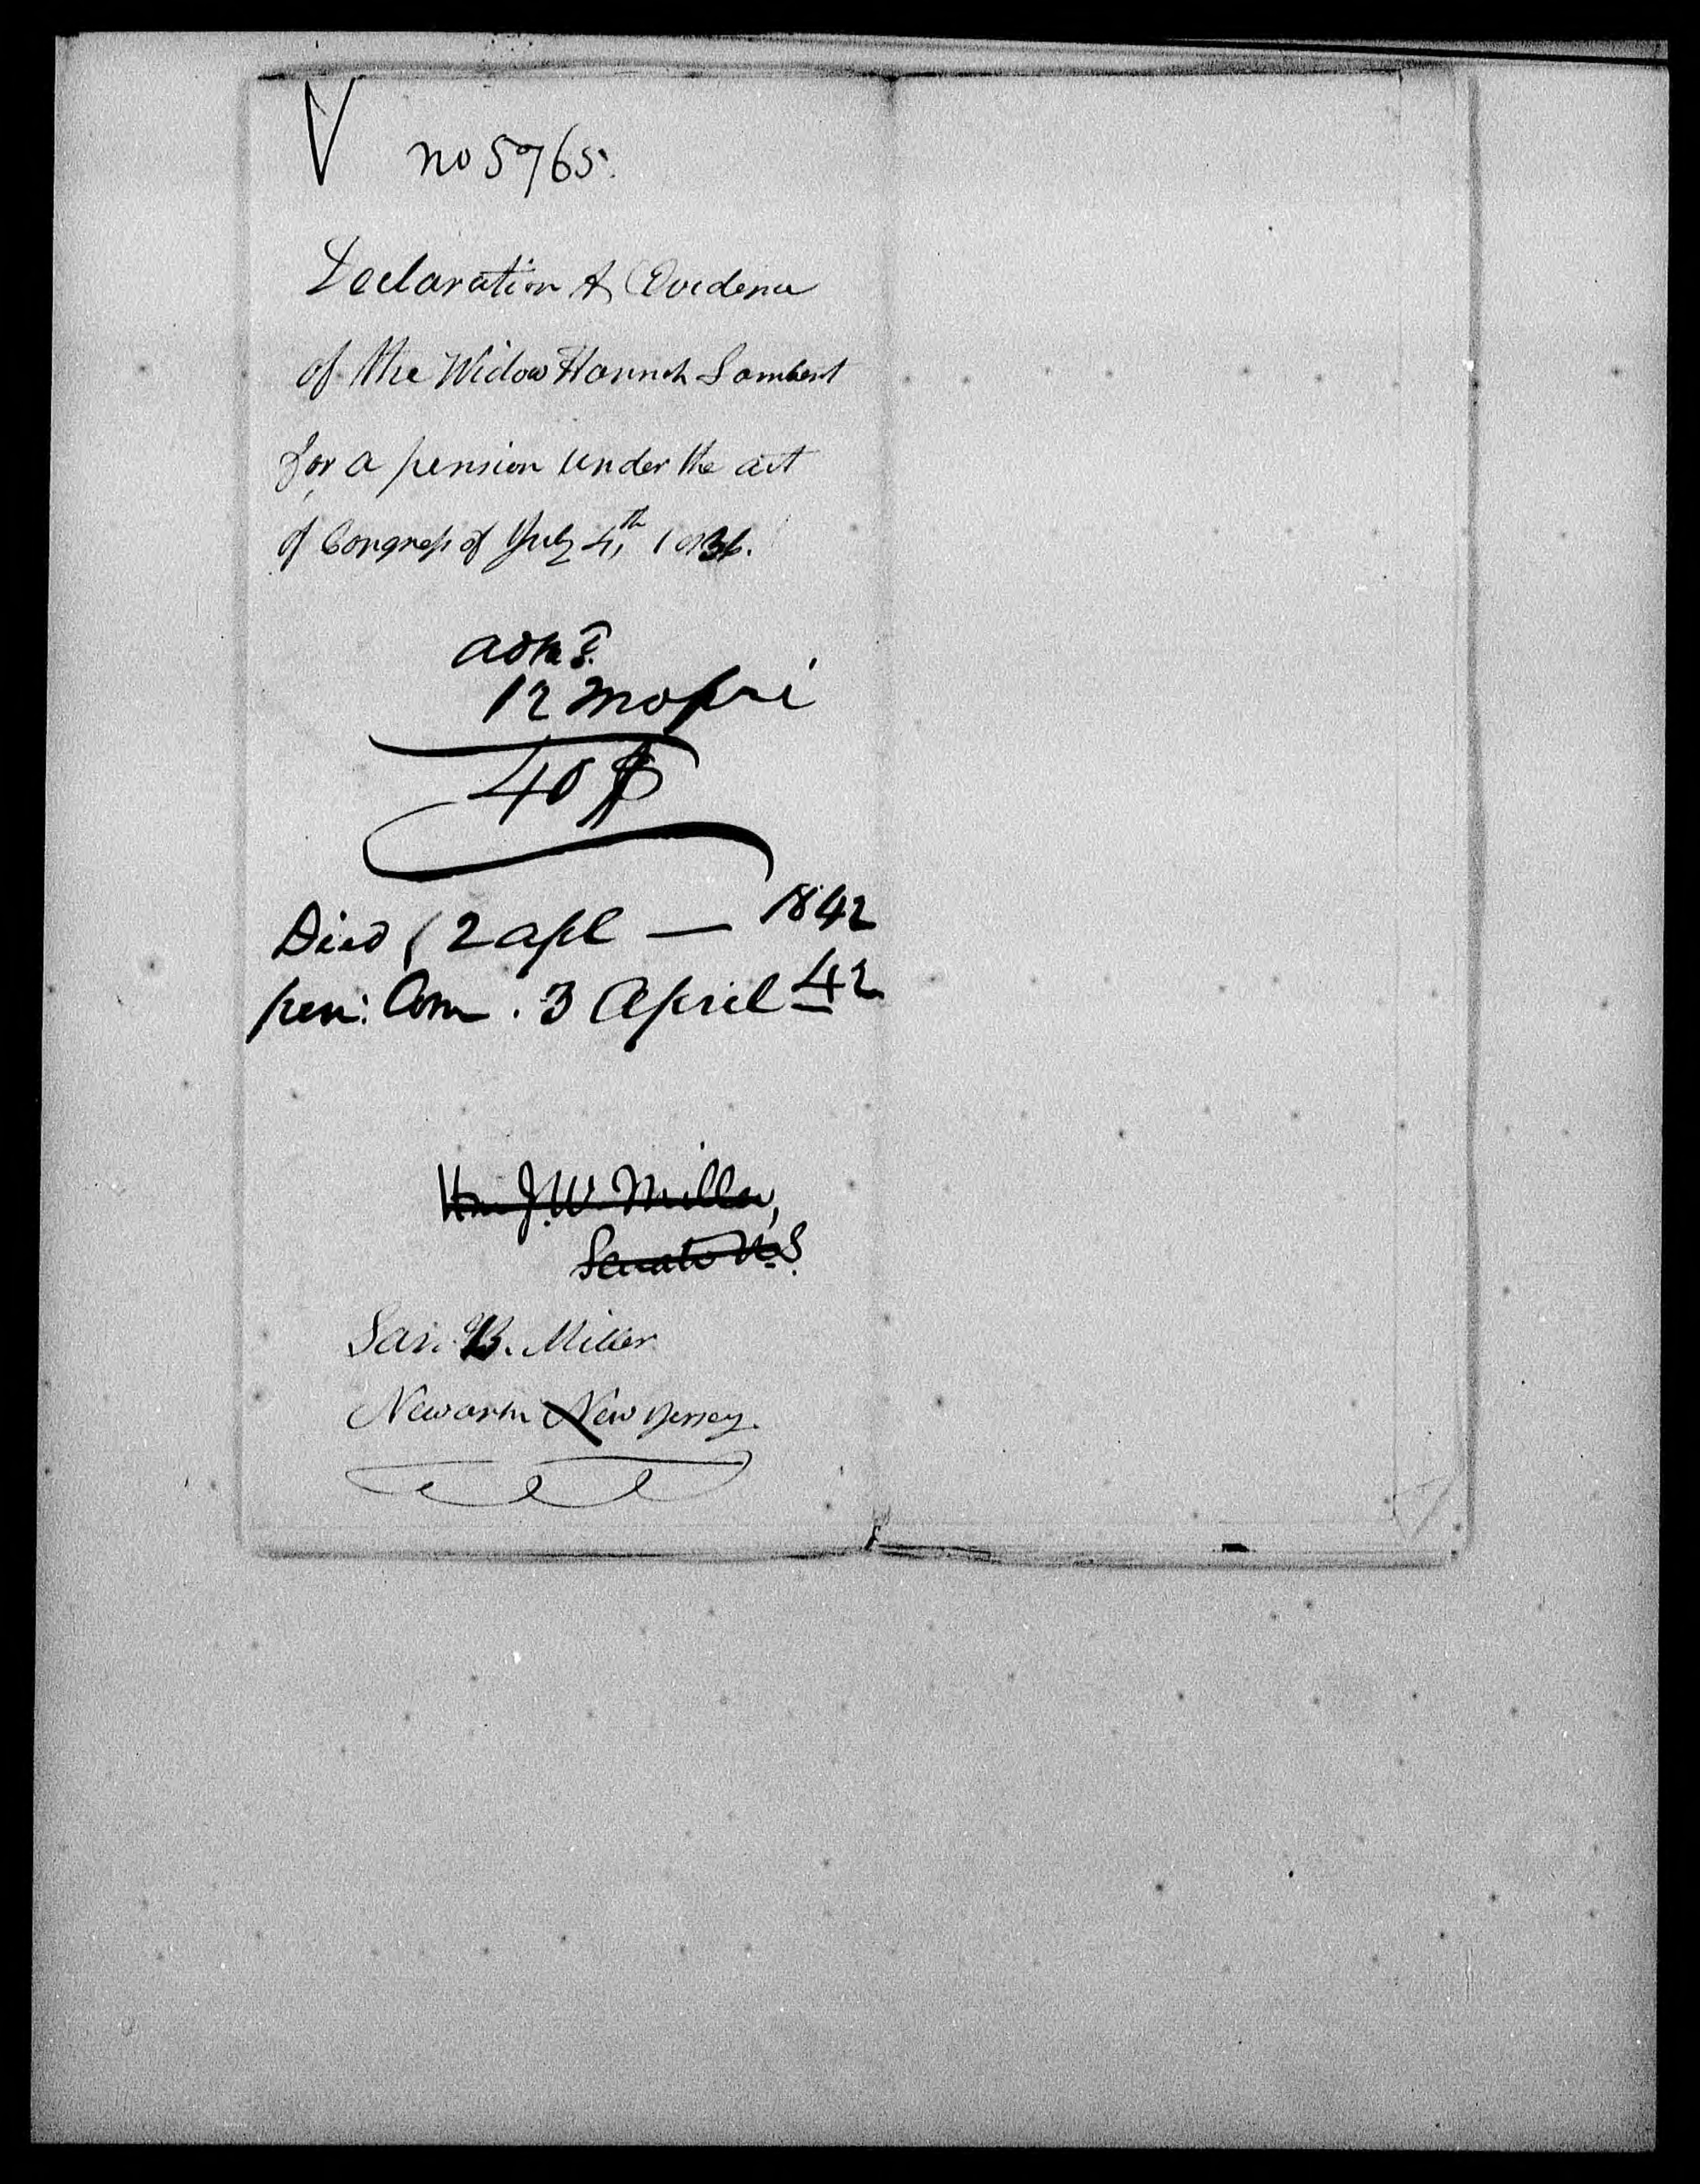No 5765
Declaration & Evidence of the Widow Hannah Lambert for a pension under the act
of Congress of July 4th 1836.
Adm
12 mos pri
40$
Died 12 Apl- 1842
pen: Com. 3 April 42
Hon J W Miller
Senate U.S.
Sam B. Miller
Newark New Jersey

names: Saml B Miller; J W Miller; Hannah Lambert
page: 15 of 49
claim: widow's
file: W. 859, for James Lambert, New Jersey